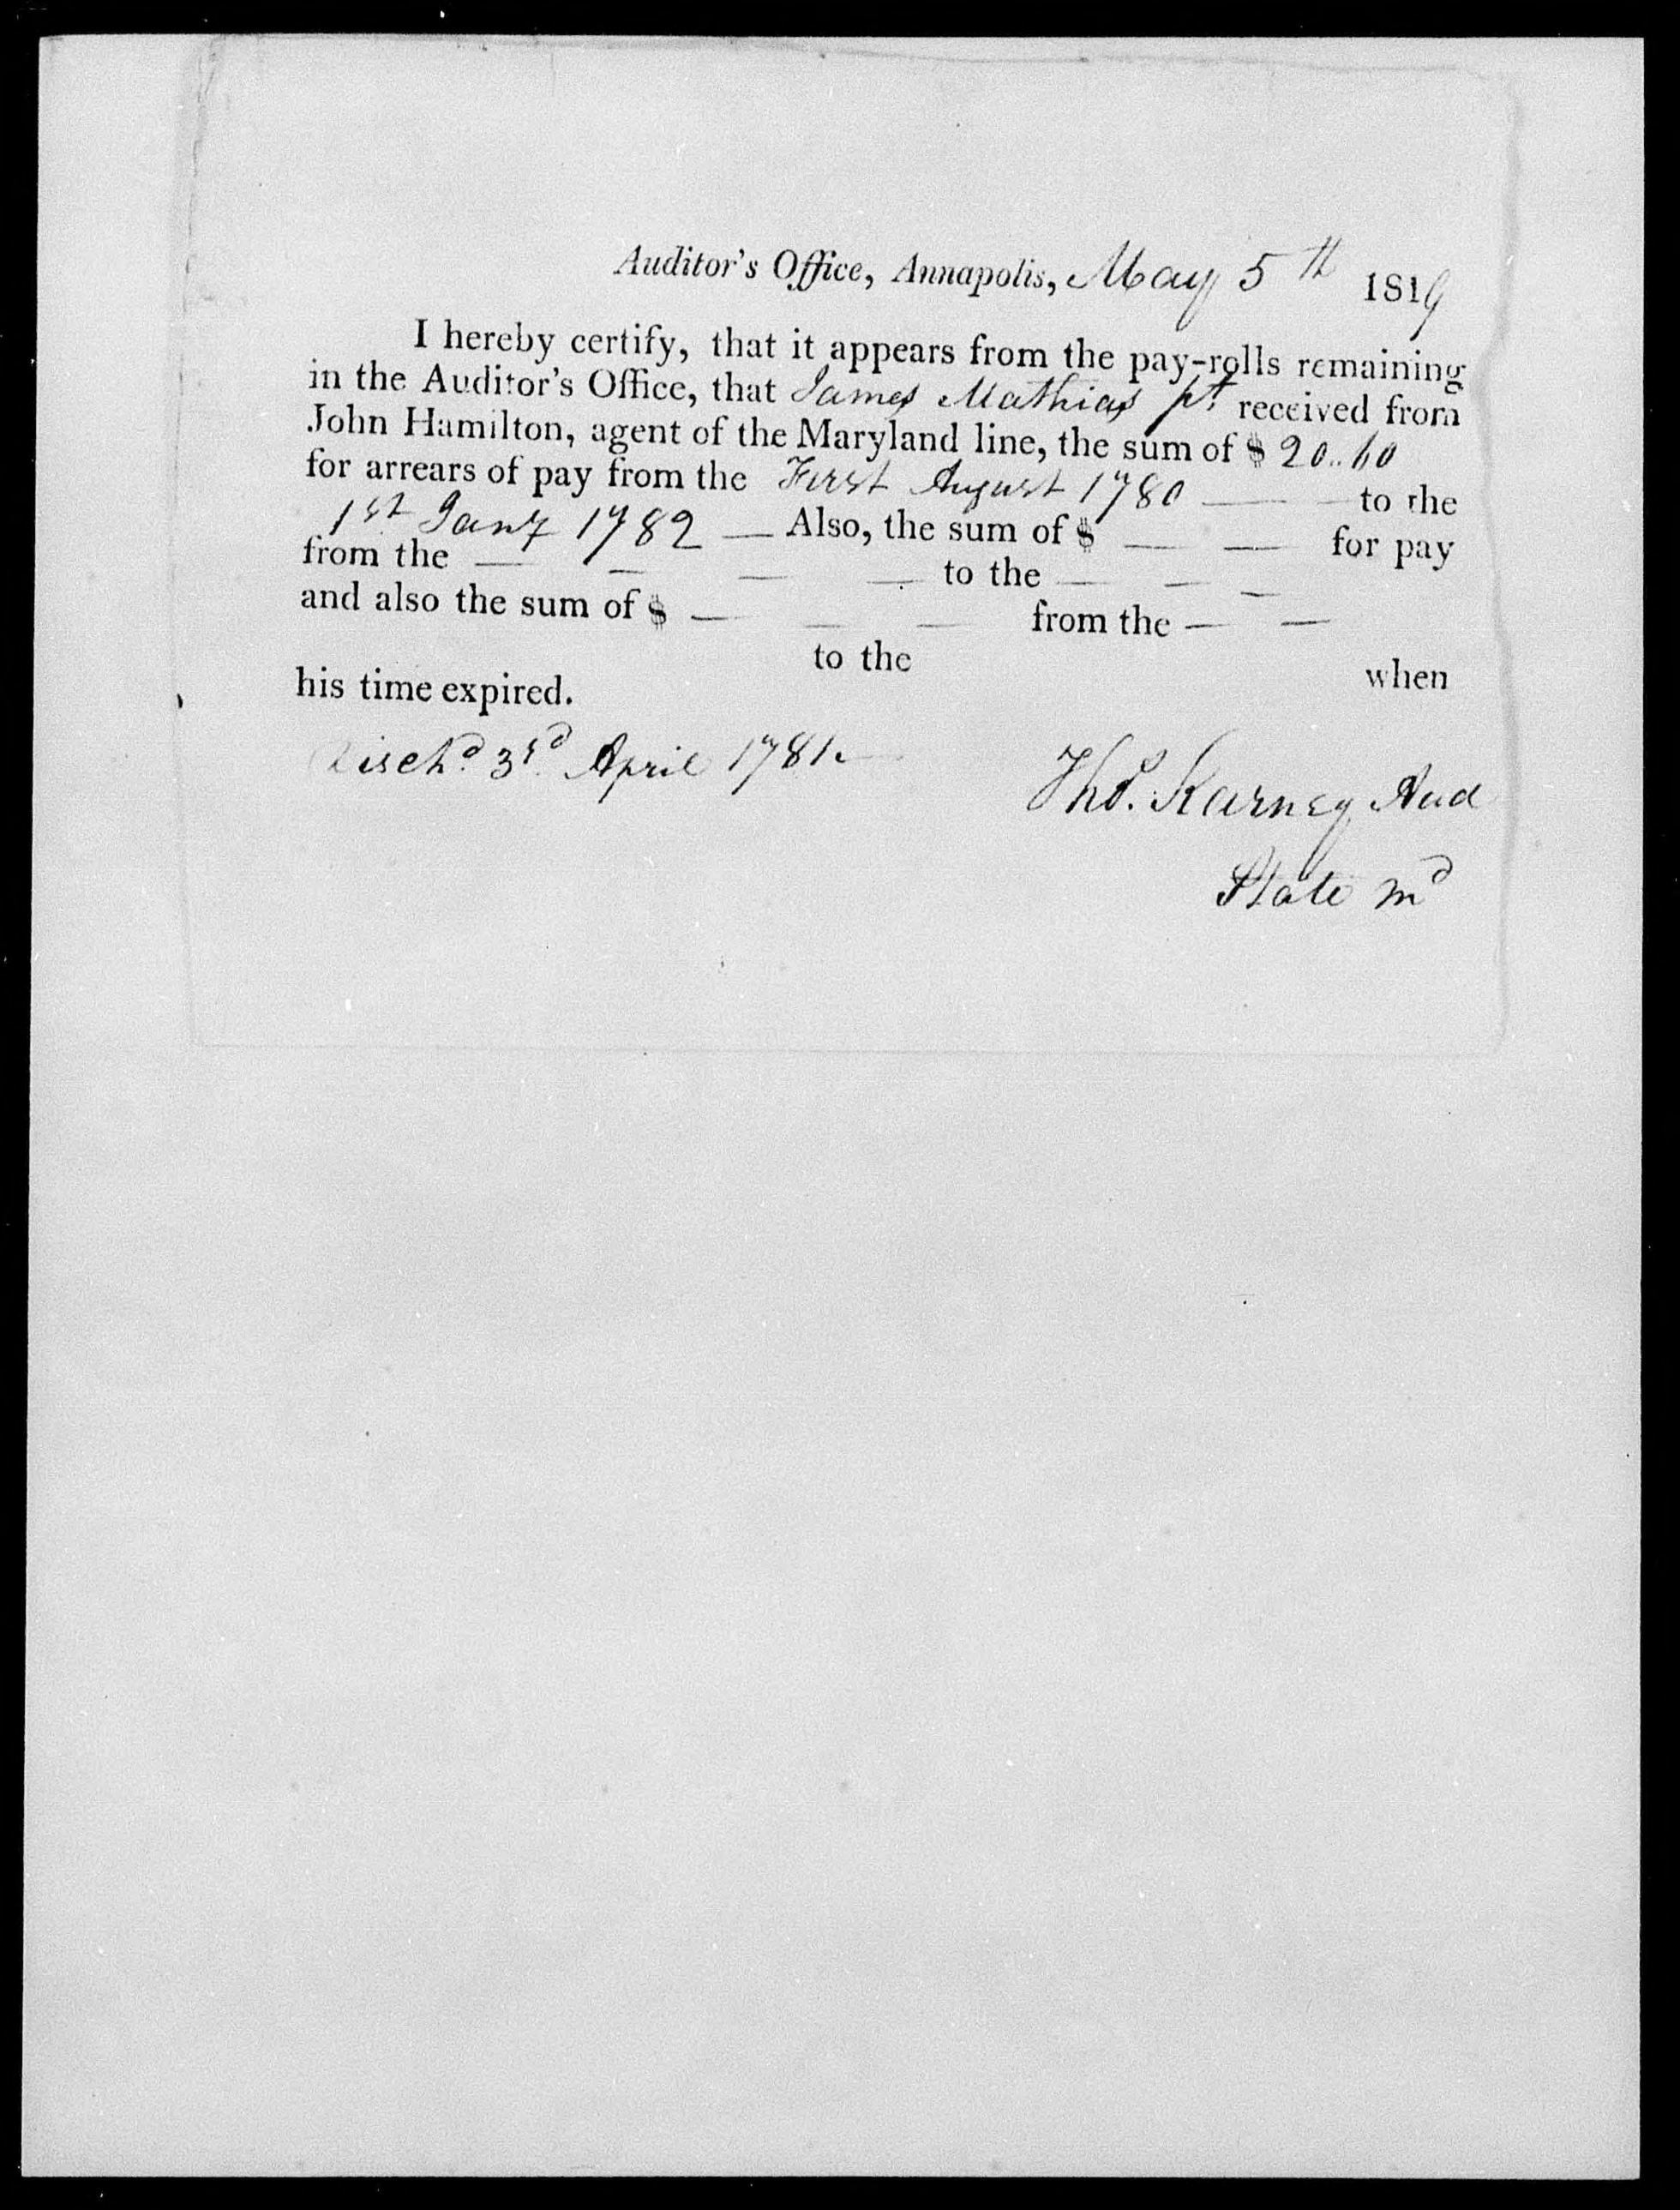Auditor's Office Annapolis, May 5th 1819
I hereby certify, that it appears from the pay-rolls remaining
in the Auditor's Office, that James Mathias received from
John Hamilton, agent of the Maryland line, the sum of $200
for arrears of pay from the First August 1780
1st Jany 1782 - Also, the sum of $----for pay from the -----  to the------and also the sum of $-----from the ---------to the------
when his time expired.
 

Reschd   3rd April 1781
Thos Karney Aud
State  Md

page: 12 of 20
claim: survivor's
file: S. 40,119, for James Mathias, Maryland